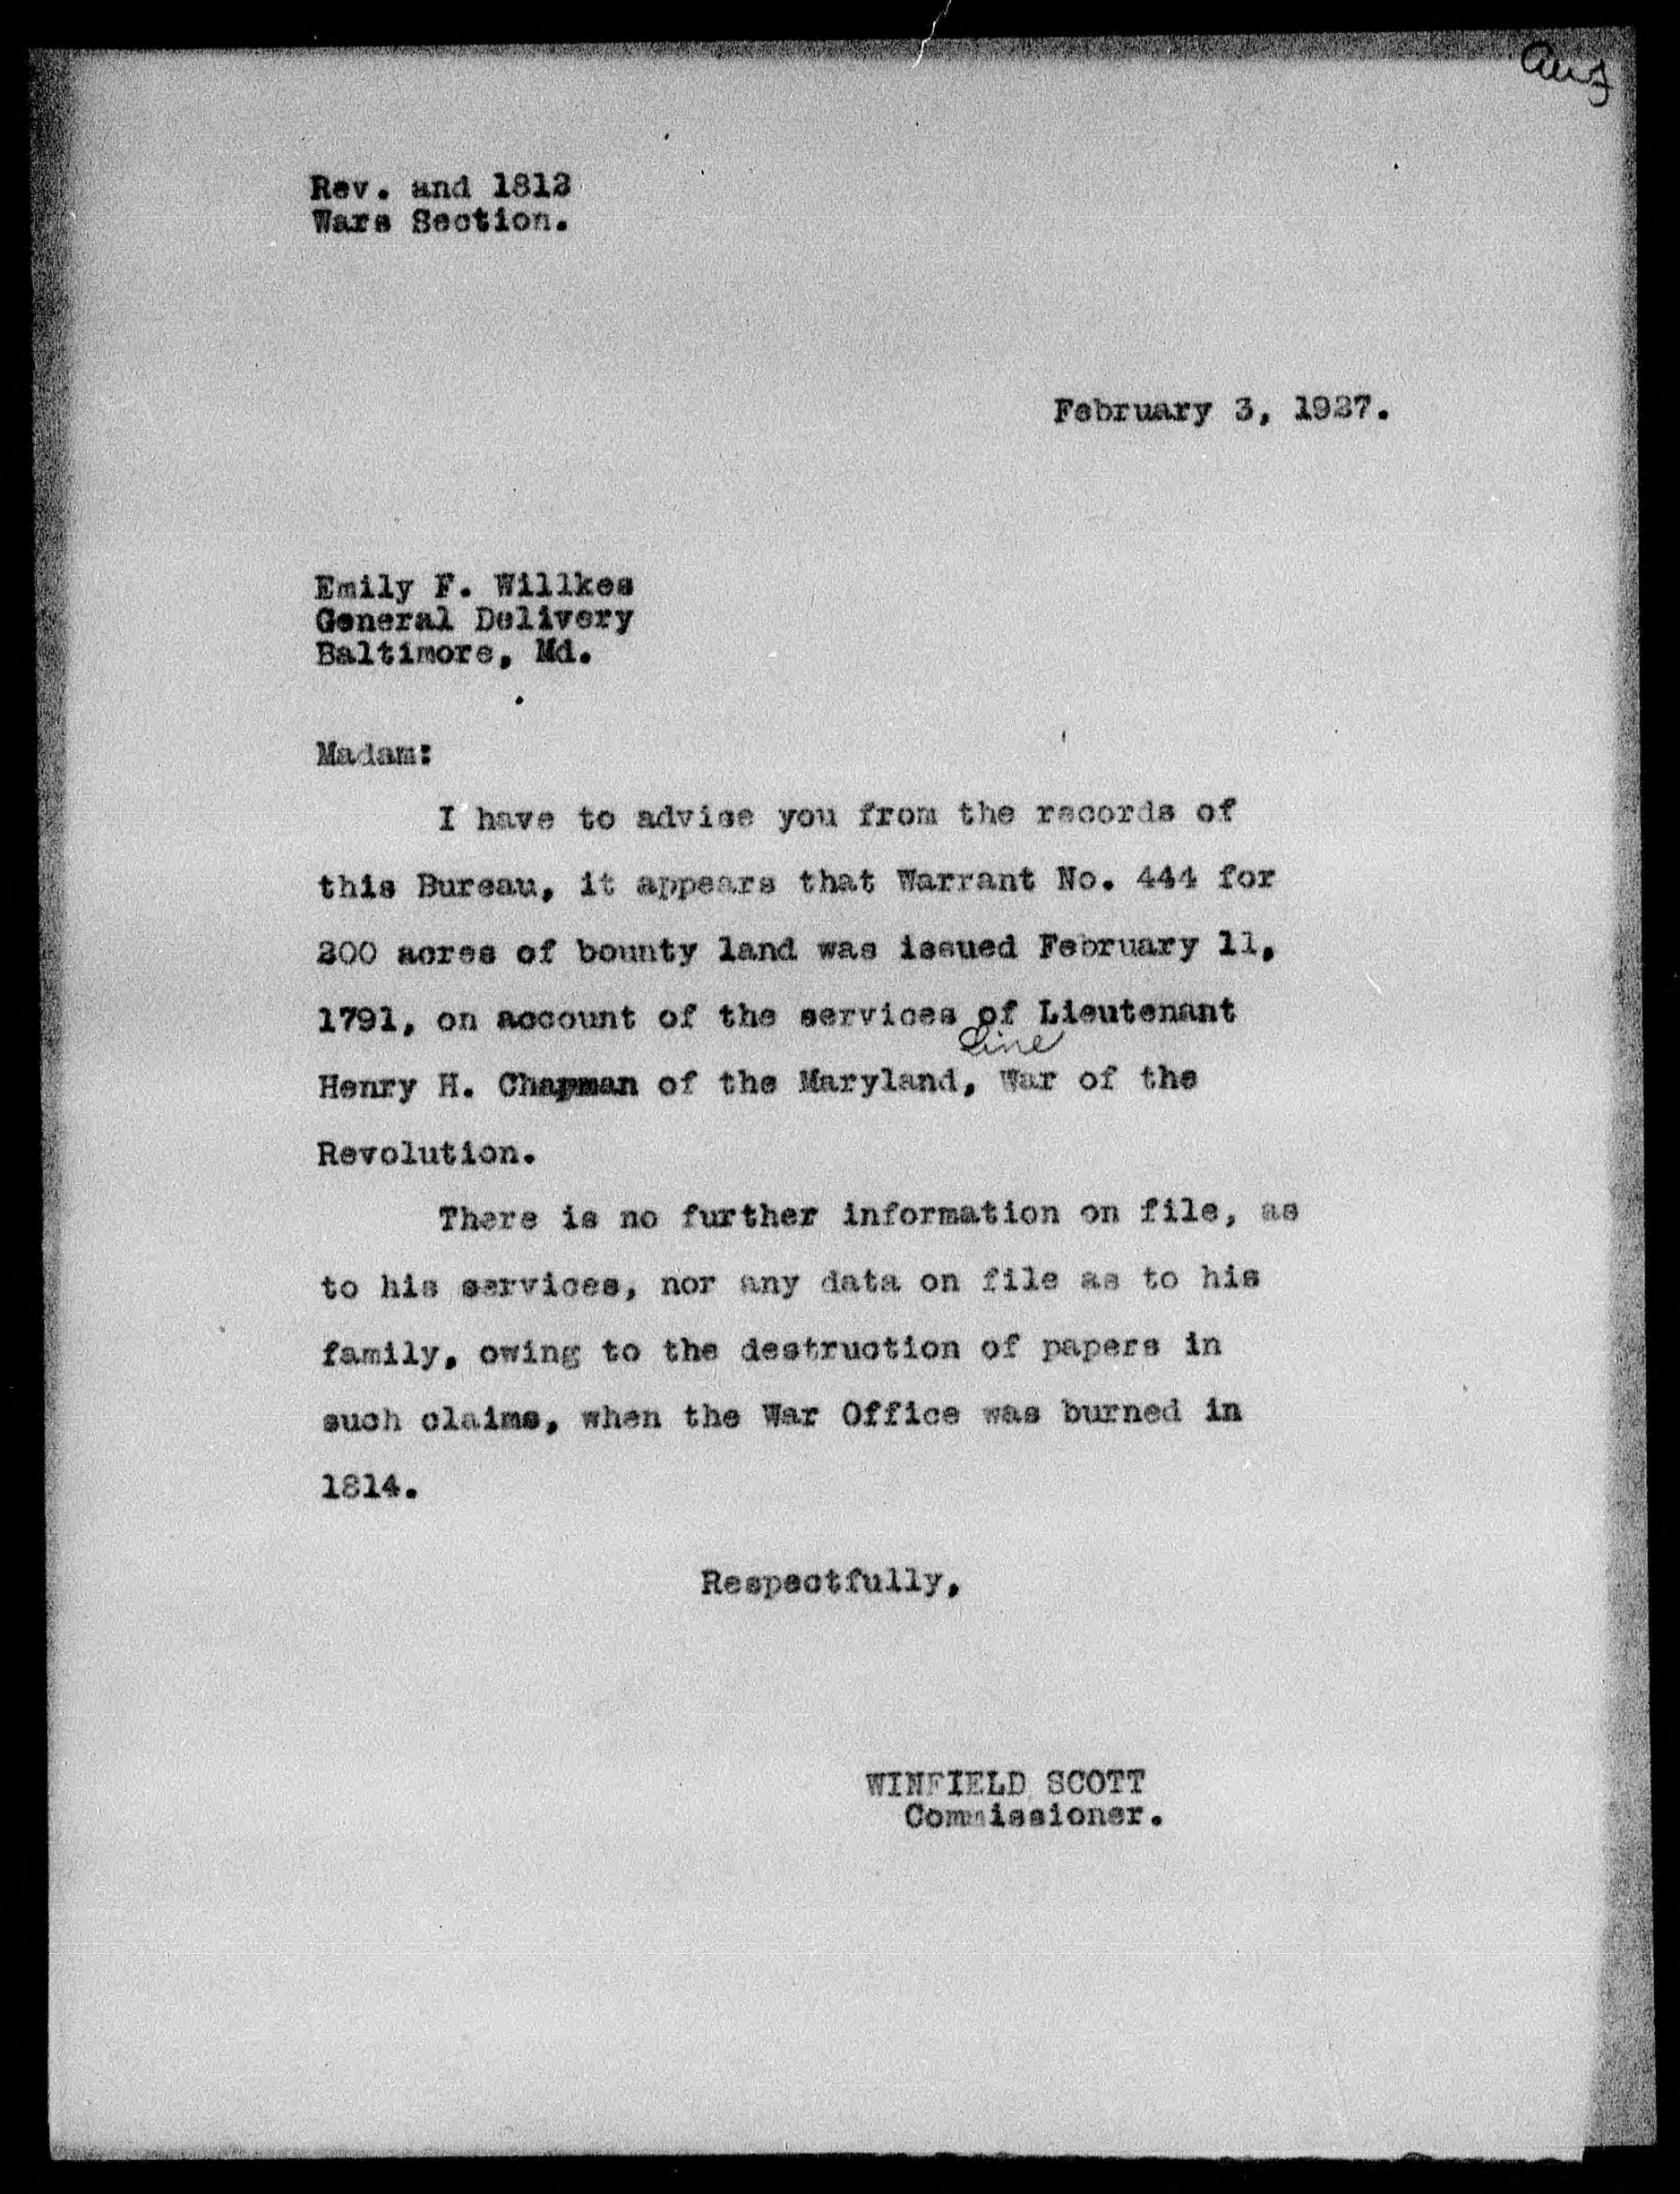Rev and 1812
Wars Section

February 3, 1927

Emily F. Willkes
General Delivery
Baltimore, MD

Madam:

I have to advise you from the records of this bureau it appears that Warrant No 444 for 200 acres of bounty land was issued February 11, 1791, on account of the services of Lieutenant Henry H Chapman of the Maryland Line War of the Revolution.

There is no further information on file, as to his services, nor any data on file as to his family, owing to the destruction of papers in such claims when the War Office was burned in 1814.

Respectfully

Winfield Scott
Commissioner.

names: Henry H Chapman, Winfield Scott, Emily F Willkes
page: 7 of 7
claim: bounty land warrant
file: B.L.Wt. 444-200, Henry H Chapman, Md.